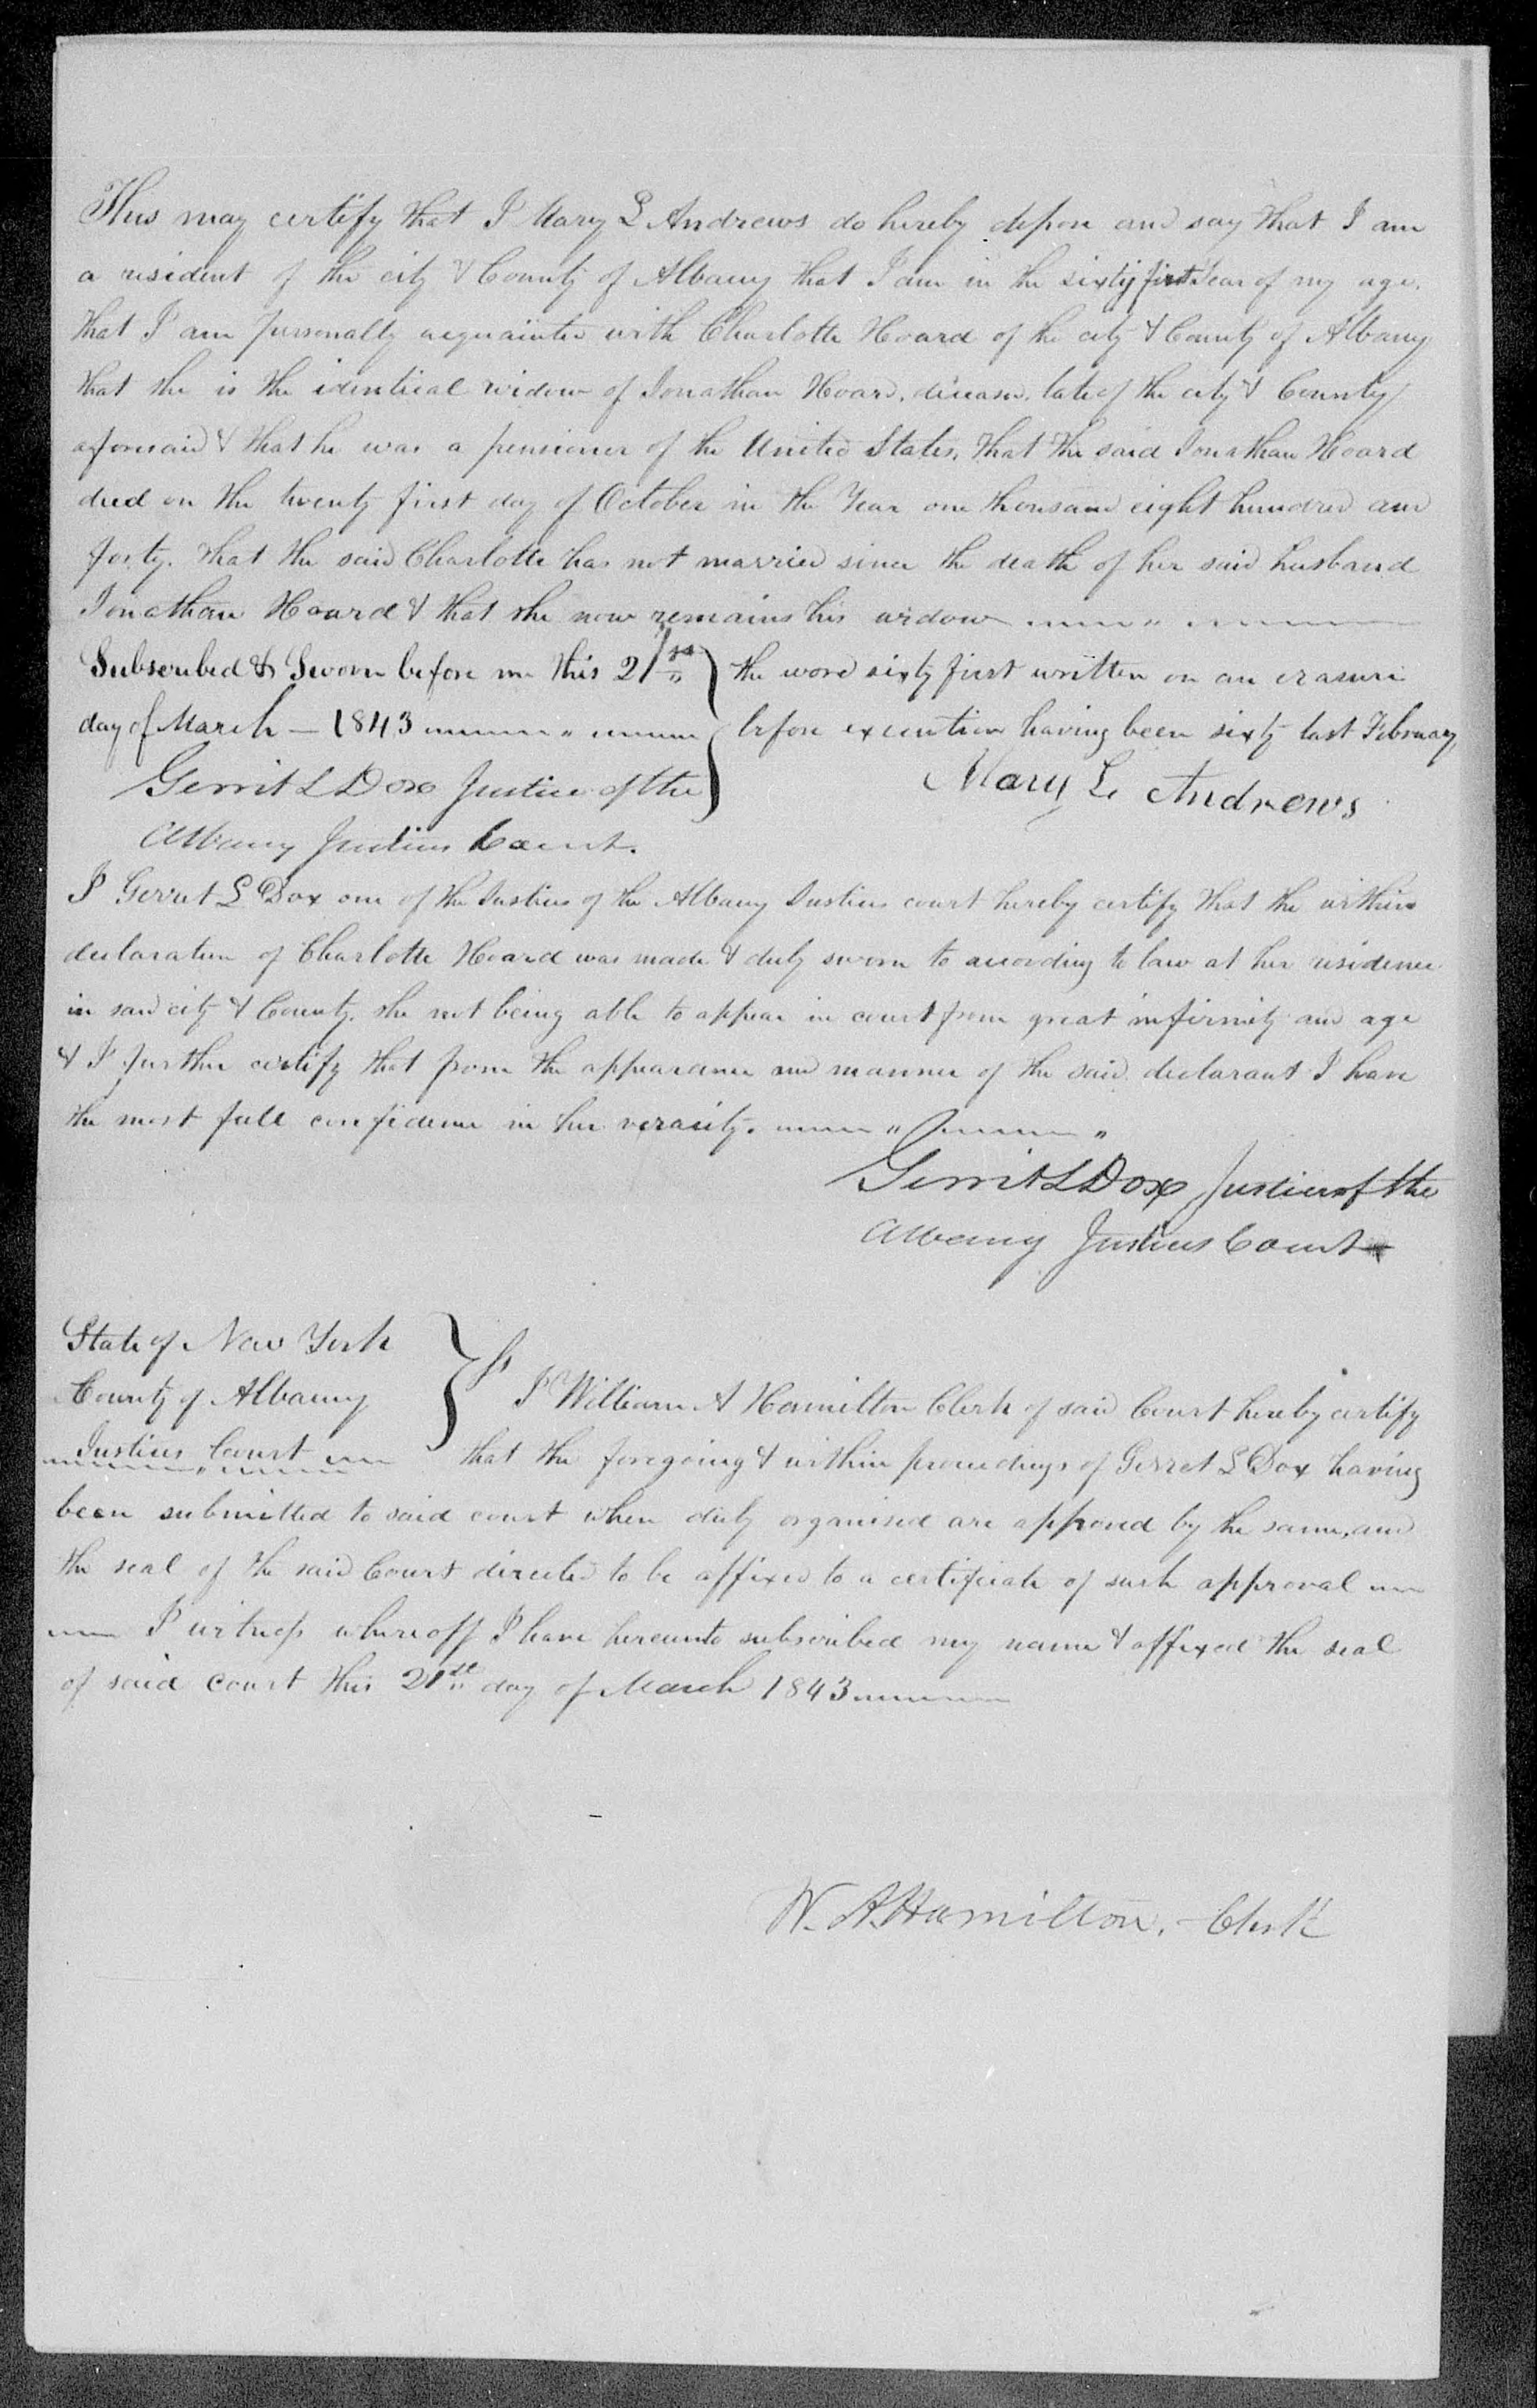This may certify that I Mary L Andrews do hereby depose and say that I am a resident of the city and County of Albany that I am in the sixty first year of my age, that I am personally acquainted with Charlotte Hoard of the City and County aforesaid, that she is the identical widow of Jonathan Hoard deceased, late of the City and County aforesaid and that he was a pensioner of the United States, that the said Jonathan Hoard died on the twenty first day of October in the year one thousand eight hundred and forty, that the said Charlotte has not married since the death of her said husband Jonathan Hoard and that the now remains his widow ------------
The word sixty first written on an erasure before execution having been sixty last February
Mary L. Andrew (signature) 

Subscribed and sworn in my presence this 21st day of March 1843 --------
Gerrit L Dox Justice of the Albany Justice Court (signature)

I Gerrit L Dox one of the Justice of the Albany Justices Court hereby certify that the within declaration of Charlotte Hoard was made & duly sworn to according to law at her residence in said City & County. the not being able to appear in court from great infirmity and age 
I further certify that from the appearance and manner of the said declarant I have the most full confidence in her veracity. ----------
Gerrit L Dox Justice of the Albany Justices Court (signature)


State of New York}
County of Albany} ss
Justices Court}

I William A Hamilton Clerk of said Court hereby certify that the foregoing & within proceedings of Gerrit L Dox having been submitted to said court when duly organized are approved by the same, and the seal of the said Court directed to be affixed to a certificate of such approval

In witness whereof I have hereunto subscribed my name & affixed the seal of said Court this 21st day of March 1843
W. A. Hamilton, Clerk (signature)
[seal]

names: William A Hamilton, Gerrit L Dox, Gerrit L Dox, Charlotte Hoard, Gerrit L Dox, Charlotte, Jonathan Hoard, Jonathan Hoard, W A Hamilton, Jonathan Hoard, Charlotte Hoard, Mary L Andrews, Gerrit L Dox, Mary L Andrews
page: 45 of 52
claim: widow's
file: W 19755, Jonathan Hoard, Mass.